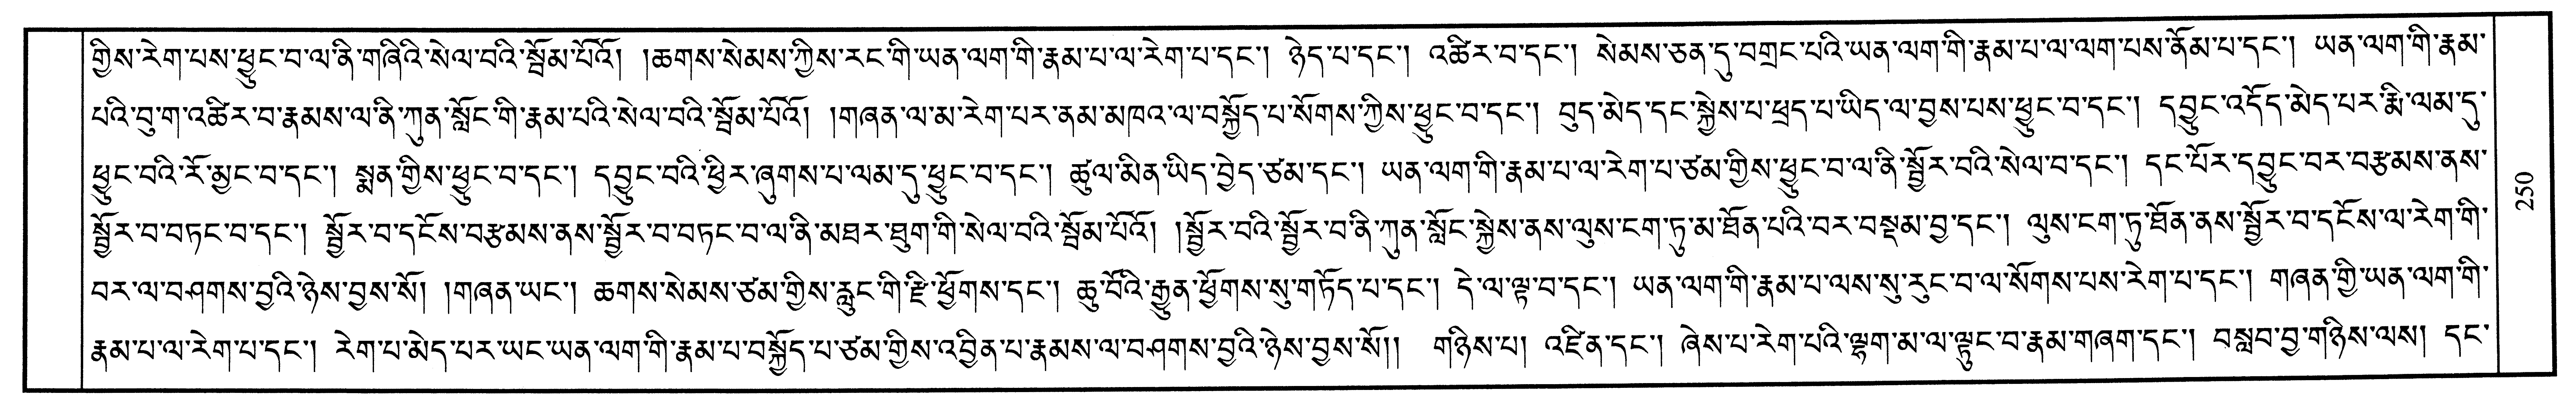གྱིས་རེག་པས་ཕྱུང་བ་ལ་ནི་གཞིའི་སེལ་བའི་སྦོམ་པོའོ། །ཆགས་སེམས་ཀྱིས་རང་གི་ཡན་ལག་གི་རྣམ་པ་ལ་རེག་པ་དང་། ཉེད་པ་དང་། འཚིར་བ་དང་། སེམས་ཅན་དུ་བགྲང་པའི་ཡན་ལག་གི་རྣམ་པ་ལ་ལག་པས་ནོམ་པ་དང་། ཡན་ལག་གི་རྣམ་
པའི་བུ་ག་འཚིར་བ་རྣམས་ལ་ནི་ཀུན་སློང་གི་རྣམ་པའི་སེལ་བའི་སྦོམ་པོའོ། །གཞན་ལ་མ་རེག་པར་ནམ་མཁའ་ལ་བསྐྱོད་པ་སོགས་ཀྱིས་ཕྱུང་བ་དང་། བུད་མེད་དང་སྐྱེས་པ་ཕྲད་པ་ཡིད་ལ་བྱས་པས་ཕྱུང་བ་དང་། དབྱུང་འདོད་མེད་པར་རྨི་ལམ་དུ་
ཕྱུང་བའི་རོ་མྱང་བ་དང་། སྨན་གྱིས་ཕྱུང་བ་དང་། དབྱུང་བའི་ཕྱིར་ཞུགས་པ་ལམ་དུ་ཕྱུང་བ་དང་། ཚུལ་མིན་ཡིད་བྱེད་ཙམ་དང་། ཡན་ལག་གི་རྣམ་པ་ལ་རེག་པ་ཙམ་གྱིས་ཕྱུང་བ་ལ་ནི་སྦྱོར་བའི་སེལ་བ་དང་། དང་པོར་དབྱུང་བར་བརྩམས་ནས་
སྦྱོར་བ་བཏང་བ་དང་། སྦྱོར་བ་དངོས་བརྩམས་ནས་སྦྱོར་བ་བཏང་བ་ལ་ནི་མཐར་ཐུག་གི་སེལ་བའི་སྦོམ་པོའོ། །སྦྱོར་བའི་སྦྱོར་བ་ནི་ཀུན་སློང་སྐྱེས་ནས་ལུས་ངག་ཏུ་མ་ཐོན་པའི་བར་བསྡམ་བྱ་དང་། ལུས་ངག་ཏུ་ཐོན་ནས་སྦྱོར་བ་དངོས་ལ་རེག་གི་
བར་ལ་བཤགས་བྱའི་ཉེས་བྱས་སོ། །གཞན་ཡང་། ཆགས་སེམས་ཙམ་གྱིས་རླུང་གི་རྫི་ཕྱོགས་དང་། ཆུ་བོའི་རྒྱུན་ཕྱོགས་སུ་གཏོད་པ་དང་། དེ་ལ་ལྟ་བ་དང་། ཡན་ལག་གི་རྣམ་པ་ལས་སུ་རུང་བ་ལ་སོགས་པས་རེག་པ་དང་། གཞན་གྱི་ཡན་ལག་གི་
རྣམ་པ་ལ་རེག་པ་དང་། རེག་པ་མེད་པར་ཡང་ཡན་ལག་གི་རྣམ་པ་བསྐྱོད་པ་ཙམ་གྱིས་འབྱིན་པ་རྣམས་ལ་བཤགས་བྱའི་ཉེས་བྱས་སོ།། གཉིས་པ། འཛིན་དང་། ཞེས་པ་རེག་པའི་ལྷག་མ་ལ་ལྟུང་བ་རྣམ་གཞག་དང་། བསླབ་བྱ་གཉིས་ལས། དང་